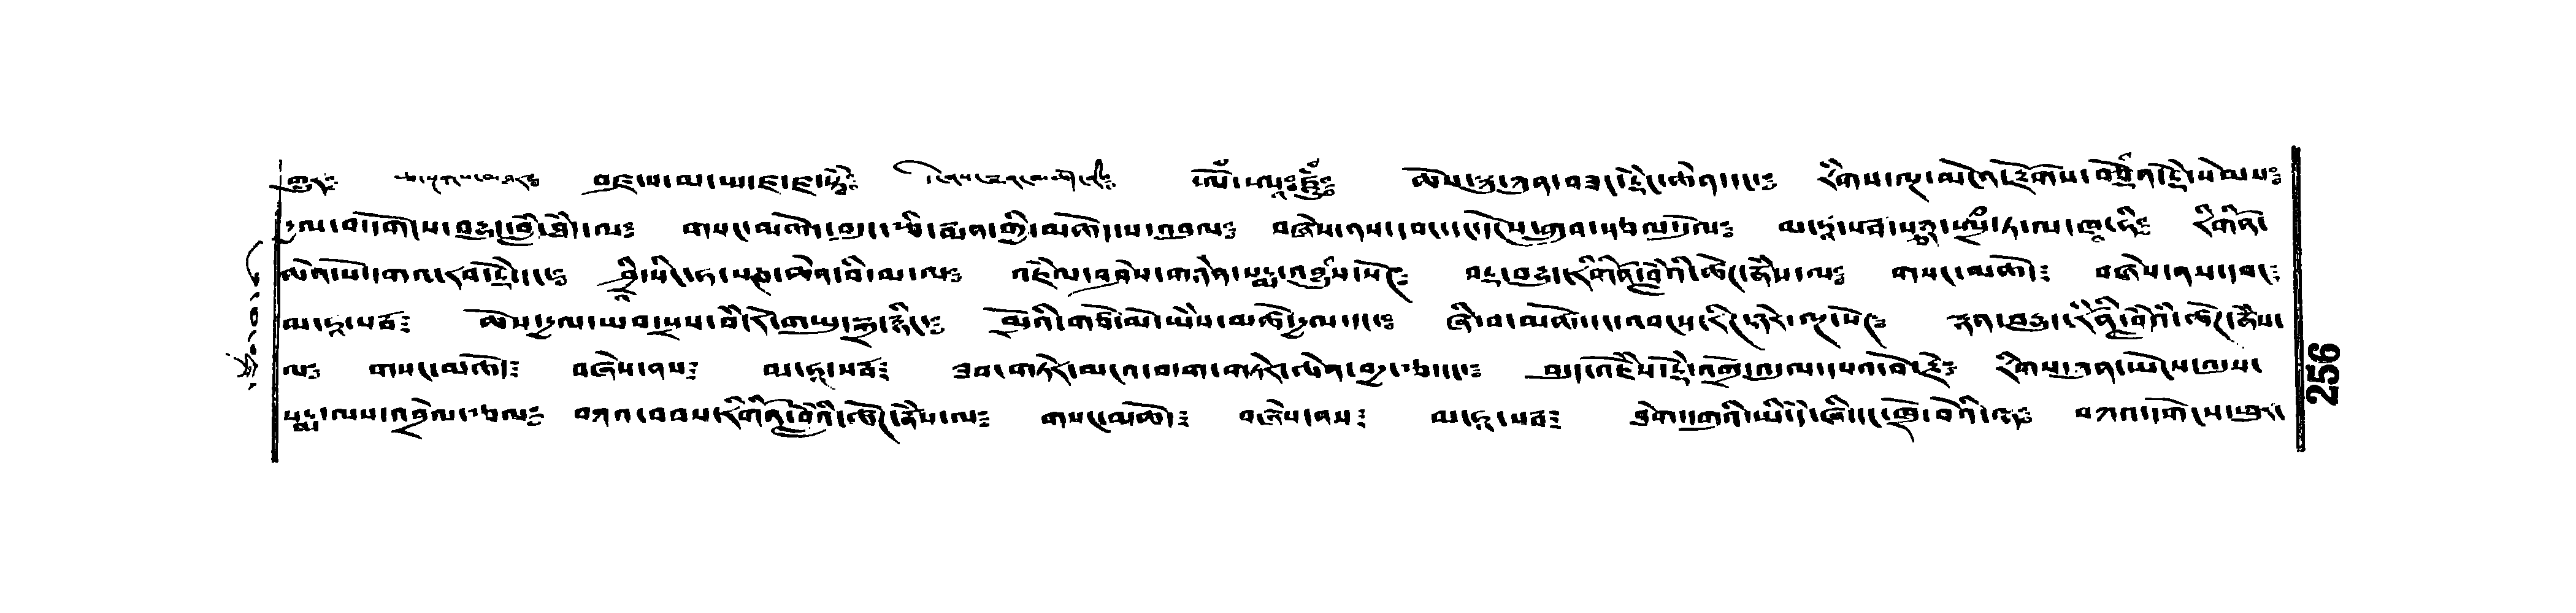གྱུར༔ རྩ་སྔགས་མཐར༔ བཛྲ་ས་མ་ཡ་ཛ་ཛ་སྟྭམ༔ དེ་ནས་སྨན་མཆོད་ནི༔ ཨོཾ་ཨཱཿཧཱུྃ༔ ཆོས་སྐུ་ཀུན་བཟང་རྡོ་རྗེ་འཆང་ཆེན་དང༔ རིགས་ལྔ་མངོན་རྫོགས་བཅོམ་ལྡན་རྡོ་རྗེ་སེམས༔ 
རྒྱལ་བ་དགོངས་བརྒྱུད་བླ་མ་ཐམས་ཅད་ལ༔ གསང་མཆོད་བདུད་རྩི་སྨན་གྱི་མཆོད་པ་འབུལ༔ བཞེས་ནས་དབང་དང་དངོས་གྲུབ་བསྩལ་དུ་གསོལ༔ མ་ཧཱ་སརྦ་པཉྩ་ཨ་མྲྀ་ཏ་ལ་ཁཱ་ཧི༔ རིག་འཛིན་
ཆེན་པོ་དགའ་རབ་རྡོ་རྗེ་དང༔ ཤྲཱི་སིང་ཧ་པཎ་ཆེན་བཱི་མ་ལ༔ འཇམ་དཔལ་བཤེས་གཉེན་པདྨ་འབྱུང་གནས་སོགས༔ བརྡ་བརྒྱུད་རིག་འཛིན་བླ་མའི་ཚོགས་རྣམས་ལ༔ གསང་མཆོད༴ བཞེས་ནས་དབང༴ 
མ་ཧཱ་སརྦ༴ ཆོས་རྒྱལ་ཡབ་སྲས་བཻ་རེ་གཡུ་སྒྲ་སྙིང༔ མཁའ་འགྲོའི་གཙོ་མོ་ཡེ་ཤེས་མཚོ་རྒྱལ་དང༔ ཞི་བ་མཚོ་དང་འབངས་རིགས་ཉེར་ལྔ་སོགས༔ སྙན་བརྒྱུད་རིག་འཛིན་བླ་མའི་ཚོགས་རྣམས་
ལ༔ གསང་མཆོད༴ བཞེས་ནས༴ མ་ཧཱ་སརྦ༴ ཟབ་གཏེར་མངའ་བདག་གཏེར་ཆེན་བརྒྱ་རྩ་དང༔ བདུད་འཇོམས་རྡོ་རྗེ་འགྲོ་འདུལ་དཔའ་བོ་རྗེཿ རིགས་ཀུན་ཡོངས་འདུས་
པདྨ་ལས་འབྲེལ་རྩལ༔ བཀའ་བབས་རིག་འཛིན་བླ་མའི་ཚོགས་རྣམས་ལ༔ གསང་མཆོད༴ བཞེས་ནས༴ མ་ཧཱ་སརྦ༴ ཐེག་དགུའི་ཡི་དམ་ཞི་དང་ཁྲོ་བོའི་ལྷ༔ བཀའ་དགོངས་ཕུར་